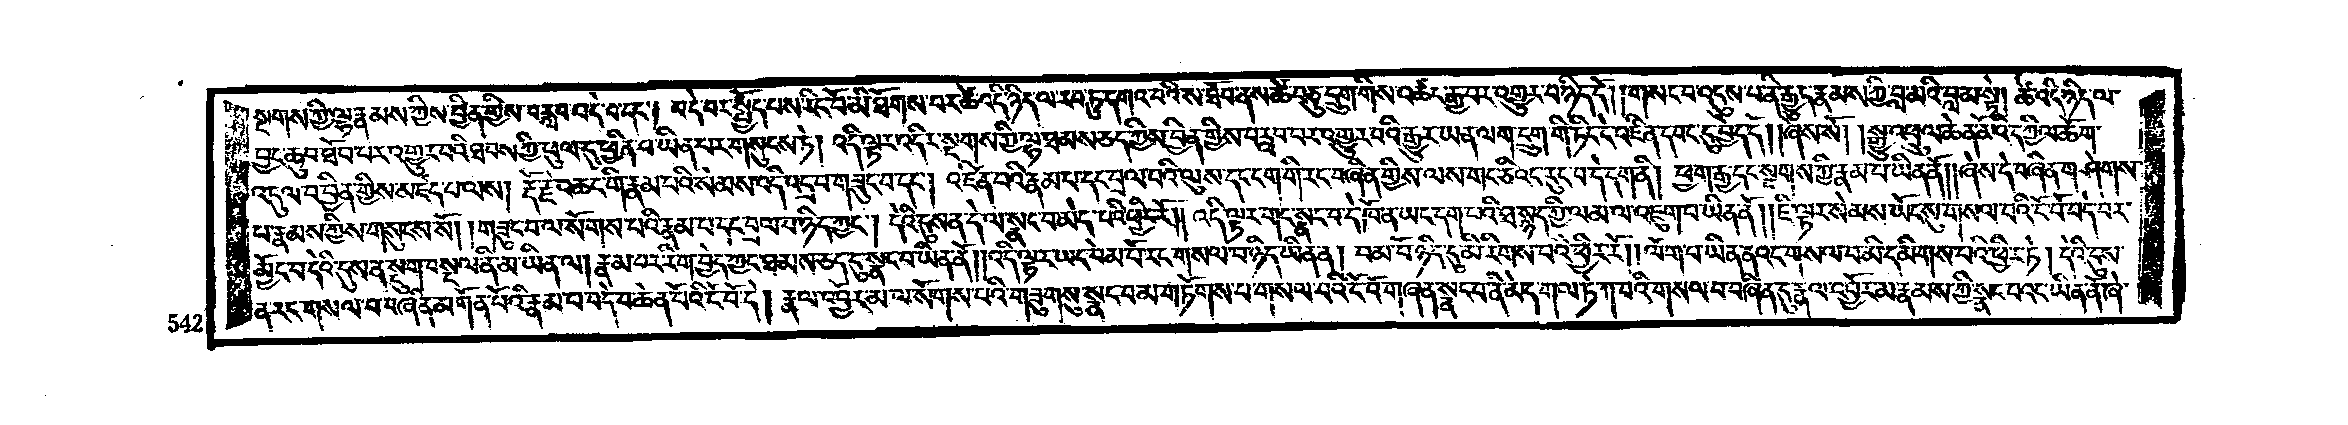སྔགས་ཀྱི་ལྷ་རྣམས་ཀྱིས་བྱིན་གྱིས་བརླབ་བདེ་བ་དང་། བདེ་བར་སྤྱོད་པས་རིང་པོ་མི་ཐོགས་པར་ཚེ་འདི་ཉིད་ལ་རབ་ཏུ་དགའ་བའི་ས་ཐོབ་ནས་ཚེ་བཅུ་དྲུག་གིས་འཚང་རྒྱ་བར་འགྱུར་བ་ཉིད་དོ། །གསང་བ་འདུས་པ་ནི་རྒྱུད་རྣམས་ཀྱི་བླ་མའི་བླ་མ་སྟེ། ཚེ་འདི་ཉིད་ལ་
བྱང་ཆུབ་ཐོབ་པར་འགྱུར་བའི་ཐབས་ཀྱི་ཕུལ་དུ་ཕྱིན་པ་ཡིན་པར་གསུངས་ཏེ། འདི་ལྟར་འདིར་སྔགས་ཀྱི་ལྷ་ཐམས་ཅད་ཀྱིས་བྱིན་གྱིས་བརླབ་པར་འགྱུར་བའི་རྒྱུར་ཡན་ལག་དྲུག་གི་ཏིང་ངེ་འཛིན་དབང་དུ་བྱེད་དོ། །ཞེས་སོ། །སྒྱུ་འཕྲུལ་ཆེན་མོའི་དཀྱིལ་ཆོག་
འདུལ་བ་བྱིན་གྱིས་མཛད་པ་ལས། རྡོ་རྗེ་འཆང་གི་རྣམ་པའི་སེམས་འདི་འདྲ་བ་གཟུང་བ་དང་། འཛིན་པའི་རྣམ་པ་དང་བྲལ་བའི་ལུས་དང་ངག་གི་རང་བཞིན་གྱིས་ལས་གང་ཅིའང་རུང་བ་དེ་དག་ནི། ཕྱག་རྒྱ་དང་སྔགས་ཀྱི་རྣམ་པ་ཡིན་ནོ། །ཞེས་དེ་བཞིན་གཤེགས་
པ་རྣམས་ཀྱིས་གསུངས་སོ། །གཟུང་བ་ལ་སོགས་པའི་རྣམ་པ་དང་བྲལ་བ་ཉིད་ཀྱང་། དེའི་དུས་ན་དེ་ལ་སྣང་བ་མེད་པའི་ཕྱིར་རོ། །འདི་ལྟར་གང་སྣང་བ་དེ་ཁོ་ན་ཡང་དག་པའི་ཐ་སྙད་ཀྱི་ལམ་ལ་འཇུག་པ་ཡིན་ནོ། །ཇི་ལྟར་སེམས་ཡོངས་སུ་གསལ་བའི་ངོ་བོ་བདེ་བར་
མྱོང་བ་དེའི་དུས་ན་སྡུག་བསྔལ་ནི་མ་ཡིན་ལ། རྣམ་པར་རིག་བྱེད་ཀྱང་ཐམས་ཅད་དུ་སྣང་བ་ཡིན་ནོ། །འདི་ལྟར་ཡང་བེམ་པོ་རང་གསལ་བ་ཉིད་ཡིན་ན། བེམ་པོ་ཉིད་དུ་མི་རིགས་པའི་ཕྱིར་རོ། །ལོག་པ་ཡིན་ནའང་གསལ་བ་མི་དམིགས་པའི་ཕྱིར་ཏེ། དེའི་དུས་
ན་རང་གསལ་བ་བཞིན་མགོན་པོའི་རྣམ་པ་བདེ་བ་ཆེན་པོའི་ངོ་བོ་དེ། རྣལ་འབྱོར་མ་ལ་སོགས་པའི་གཟུགས་སུ་སྣང་བ་མ་གཏོགས་པ་གསལ་བའི་ངོ་བོ་གཞན་སྣང་བ་ནི་མེད་གལ་ཏེ་ཀ་བའི་གསལ་བ་བཞིན་དུ་རྣལ་འབྱོར་མ་རྣམས་ཀྱི་སྣང་བའང་ཡིན་ནོ་ཞེ་